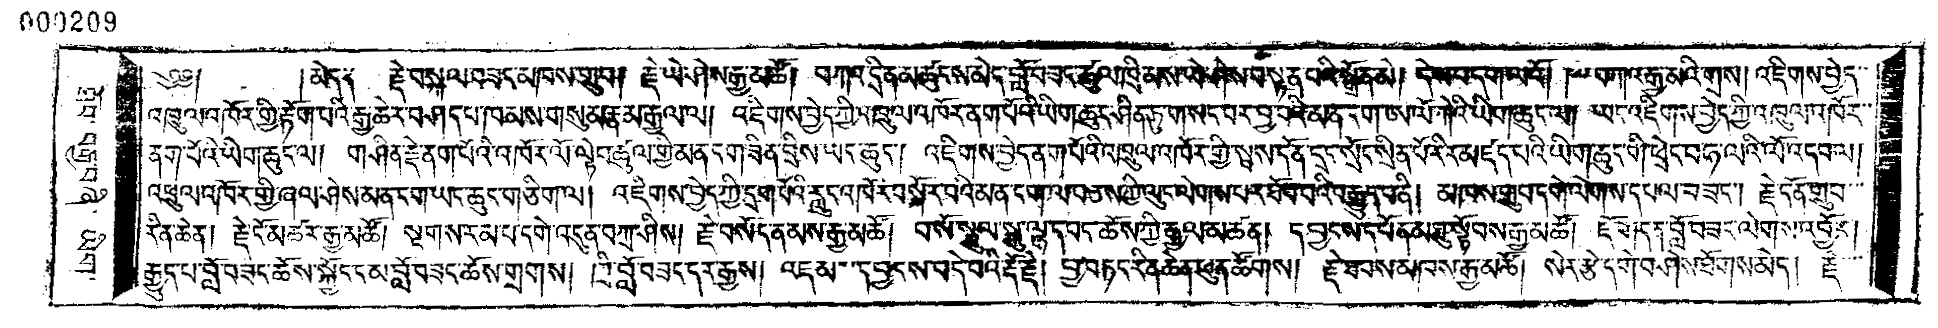༄༅། །མེད༑ རྗེ་བསྐལ་བཟང་མཁས་གྲུབ། རྗེ་ཡེ་ཤེས་རྒྱ་མཚོ། བཀའ་དྲིན་མཚུངས་མེད་བློ་བཟང་ཚུལ་ཁྲིམས་ཡེ་ཤེས་བསྟན་པའི་སྒྲོན་མེ། དེས་བདག་ལའོ། །༧བཀའ་རྒྱ་མའི་གྲས། འཇིགས་བྱེད་
འཁྲུལ་འཁོར་གྱི་རྟོག་པའི་རྒྱ་ཆེར་བཤད་པ་ཁམས་གསུམ་རྣམ་རྒྱལ་ལ། འཇིགས་བྱེད་ཀྱི་འཁྲུལ་འཁོར་ནག་པོའི་ཡིག་ཆུང་ཤིན་ཏུ་གསང་བར་བྱ་བའི་མན་ངག་ཨ་ལོ་ཀེའི་ཡིག་ཆུང་ལ། ཡང་འཇིགས་བྱེད་ཀྱི་འཁྲུལ་འཁོར་
ནག་པོའི་ཡིག་ཆུང་ལ། གཤིན་རྗེ་ནག་པོའི་འཁོར་ལོ་ལྟེབ་ཚུལ་གྱི་མན་ངག་ཟིན་བྲིས་ཡང་ཆུང་། འཇིགས་བྱེད་ནག་པོའི་འཁྲུལ་འཁོར་གྱི་སྦས་དོན་དྲང་སྲོང་སྲིན་པོ་རིར་མཛད་པའི་ཡིག་ཆུང་གི་ཕྲེང་བ་ཧ་ལའི་ལོ་འདབ་ལ།
འཕྲུལ་འཁོར་གྱི་ཞལ་ཤེས་མན་ངག་ཡང་ཆུང་གཅིག་ལ། འཇིགས་བྱེད་ཀྱི་དྲག་པོའི་རླུང་འཁོར་བསྐོར་བའི་མན་ངག་ལ་བཅས་ཀྱི་ལུང་ལེགས་པར་ཐོབ་པའི་བརྒྱུད་པ་ནི། མཁས་གྲུབ་དགེ་ལེགས་དཔལ་བཟང་། རྗེ་དོན་གྲུབ་
རིན་ཆེན། རྗེ་ངོ་མཚར་རྒྱ་མཚོ། སྔགས་རམ་པ་དགེ་འདུན་བཀྲ་ཤིས། རྗེ་བསོད་ནམས་རྒྱ་མཚོ། བསོ་སྤྲུལ་སྐུ་ལྷ་དབང་ཆོས་ཀྱི་རྒྱལ་མཚན། དབྱངས་དཔོན་མཐུ་སྟོབས་རྒྱ་མཚོ། ཇོ་གདན་བློ་བཟང་ལེགས་འབྱོར།
རྒྱུད་པ་བློ་བཟང་ཆོས་སྐྱོང་ངམ་བློ་བཟང་ཆོས་གྲགས། ཁྲི་བློ་བཟང་དར་རྒྱས། འཇམ་དབྱངས་བདེ་བའི་རྡོ་རྗེ། བྱ་བཏང་རིན་ཆེན་ཕུན་ཚོགས། རྗེ་ཐབས་མཁས་རྒྱ་མཚོ། སེར་རྩེ་དགེ་བཤེས་ཐོགས་མེད། རྗེ་